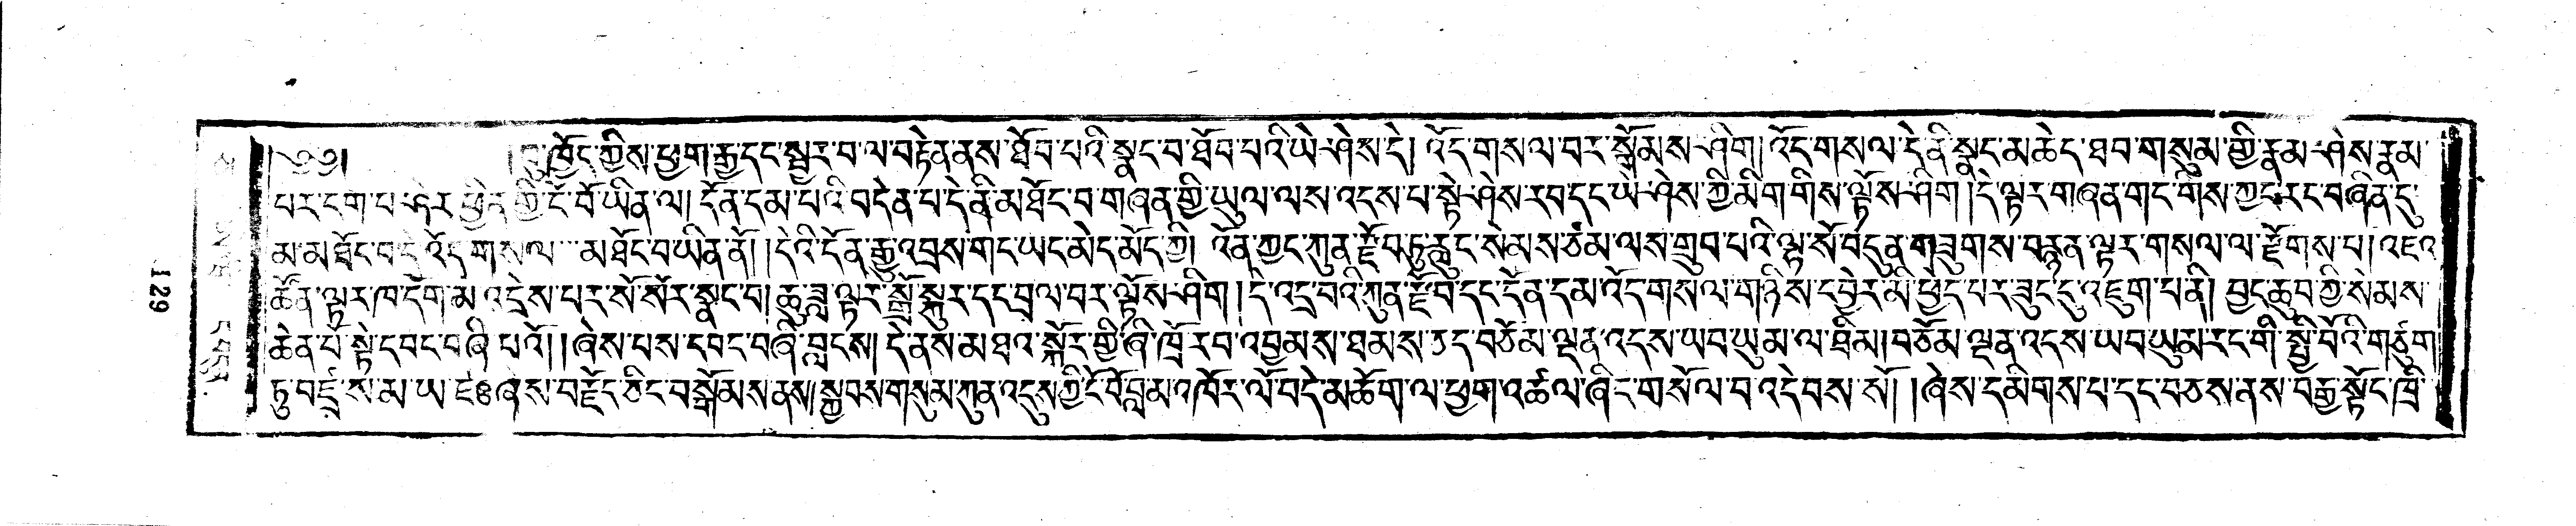༄༅། །བུ་ཁྱོད་ཀྱིས་ཕྱག་རྒྱ་དང་སྦྱར་བ་ལ་བརྟེན་ནས་ཐོབ་པའི་སྣང་བ་ཐོབ་པའི་ཡེ་ཤེས་དེ། འོད་གསལ་བར་སྒོམས་ཤིག །འོད་གསལ་དེ་ནི་སྣང་མཆེད་ཐོབ་གསུམ་གྱི་རྣམ་ཤེས་རྣམ་
པར་དག་པ་ཤེར་ཕྱིན་གྱི་ངོ་བོ་ཡིན་ལ། དོན་དམ་པའི་བདེན་པ་དེ་ནི་མཐོང་བ་གཞན་གྱི་ཡུལ་ལས་འདས་པ་སྟེ་ཤེས་རབ་དང་ཡེ་ཤེས་ཀྱི་མིག་གིས་ལྟོས་ཤིག །དེ་ལྟར་གཞན་གང་གིས་ཀྱང་རང་བཞིན་དུ་
མ་མཐོང་བ་དེ་འོད་གསལ་མཐོང་བ་ཡིན་ནོ། །དེའི་དོན་རྒྱུ་འབྲས་གང་ཡང་མེད་མོད་ཀྱི། འོན་ཀྱང་ཀུན་རྫོབ་ཏུ་རླུང་སེམས་ཙམ་ལས་གྲུབ་པའི་ལྷ་སོ་བདུན་གཟུགས་བརྙན་ལྟར་གསལ་ལ་རྫོགས་པ། འཇའ་
ཚོན་ལྟར་ཁ་དོག་མ་འདྲེས་པར་སོ་སོར་སྣང་བ། ཆུ་ཟླ་ལྟར་སྒྲོ་སྐུར་དང་བྲལ་བར་ལྟོས་ཤིག །དེ་འདྲ་བའི་ཀུན་རྫོབ་དང་དོན་དམ་འོད་གསལ་གཉིས་དབྱེར་མི་ཕྱེད་པར་ཟུང་དུ་འཇུག་པ་ནི། བྱང་ཆུབ་ཀྱི་སེམས་
ཆེན་པོ་སྟེ་དབང་བཞི་པའོ། །ཞེས་པས་དབང་བཞི་བླངས། དེ་ནས་མཐའ་སྐོར་གྱི་ཞི་ཁྲོ་རབ་འབྱམས་ཐམས་ཅད་བཅོམ་ལྡན་འདས་ཡབ་ཡུམ་ལ་ཐིམ། བཅོམ་ལྡན་འདས་ཡབ་ཡུམ་རང་གི་སྤྱི་བོའི་གཙུག་
ཏུ་བཛྲ་ས་མ་ཡ་ཛཿ ཞེས་བརྗོད་ཅིང་བསྒོམས་ནས་སྐྱབས་གསུམ་ཀུན་འདུས་ཀྱི་ངོ་བོ་བླ་མ་འཁོར་ལོ་བདེ་མཆོག་ལ་ཕྱག་འཚལ་ཞིང་གསོལ་བ་འདེབས་སོ། །ཞེས་དམིགས་པ་དང་བཅས་ནས་བརྒྱ་སྟོང་ཁྲི་